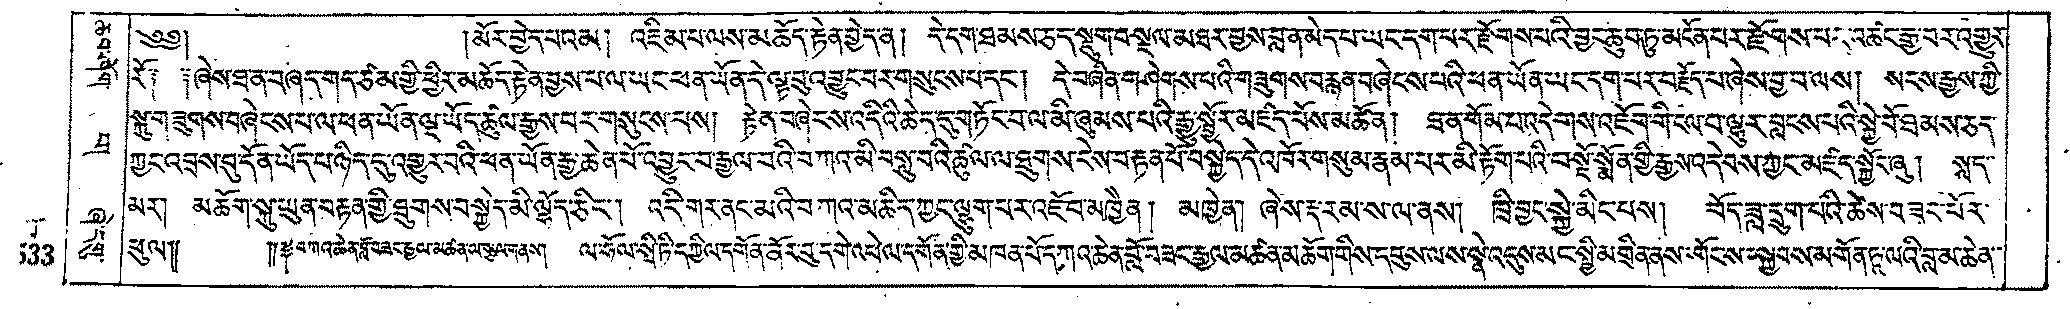༄༅། །མོར་བྱེད་པའམ། འཇིམ་པ་ལས་མཆོད་རྟེན་བྱེད་ན། དེ་དག་ཐམས་ཅད་སྡུག་བསྔལ་མཐར་བྱས་བླ་ན་མེད་པ་ཡང་དག་པར་རྫོགས་པའི་བྱང་ཆུབ་ཏུ་མངོན་པར་རྫོགས་པར་འཚང་རྒྱ་བར་འགྱུར་
རོ༑ ༑ཞེས་ཐ་ན་བཞད་གད་ཙམ་གྱི་ཕྱིར་མཆོད་རྟེན་བྱས་པ་ལ་ཡང་ཕན་ཡོན་དེ་ལྟ་བུ་འབྱུང་བར་གསུངས་པ་དང་། དེ་བཞིན་གཤེགས་པའི་གཟུགས་བརྙན་བཞེངས་པའི་ཕན་ཡོན་ཡང་དག་པར་བརྗོད་པ་ཞེས་བྱ་བ་ལས། སངས་རྒྱས་ཀྱི་
སྐུ་གཟུགས་བཞེངས་པ་ལ་ཕན་ཡོན་ལྔ་ཡོད་ཚུལ་རྒྱས་བར་གསུངས་པས། རྟེན་བཞེངས་འདིའི་ཆེད་དུ་གཏོང་བ་ལ་མི་ཞུམས་པའི་རྒྱུ་སྦྱོར་མཛད་པོས་མཚོན། ཐ་ན་གོམ་པ་འདེགས་འཇོག་གི་ངལ་བ་ལྷུར་བླངས་པའི་སྐྱེ་བོ་ཐམས་ཅད་
ཀྱང་འབྲས་བུ་དོན་ཡོད་པ་ཉིད་དུ་འགྱུར་བའི་ཕན་ཡོན་རྒྱ་ཆེན་པོ་འབྱུང་བ་རྒྱལ་བའི་བཀའ་མི་བསླུ་བའི་ཚུལ་ལ་ཐུགས་ངེས་བརྟན་པོ་བསྐྱེད་དེ་འཁོར་གསུམ་རྣམ་པར་མི་རྟོག་པའི་བསྔོ་སྨོན་གྱི་རྒྱས་འདེབས་ཀྱང་མཛད་སྐྱོང་ཞུ། སླད་་་
མར། མཆོག་སྐུ་ཡུན་བརྟན་གྱི་ཐུགས་བསྐྱེད་མི་ལྷོད་ཅིང་། འདི་གར་ནང་མའི་བཀའ་མཆིད་ཀྱང་ལྷུག་པར་འཇོ་བ་མཁྱཻན། མཁྱེན། ཞེས་རྡ་རམ་ས་ལ་ནས། ཁྲི་བྱང་སྐྱེ་མིང་པས། བོད་ཟླ་དྲུག་པའི་ཚེས་བཟང་པོར་
ཕུལ།། །། འ་བཀའ་ཆེན་བློ་བཟང་རྒྱལ་མཚན་ལ་སྩལ་གནས།  ལ་ཧོལ་སྤི་ཏི་དཀྱིལ་དགོན་ནོར་བུ་དགེ་འཕེལ་དགོན་གྱི་མཁན་པོ་དཀའ་ཆེན་བློ་བཟང་རྒྱལ་མཚན་མཆོག་གིས་དབུས་ལས་སྣེ་འདུས་མང་སྤྱི་མགྲིན་ནས ༧གོང་ས ༧སྐྱབས་མགོན་ཏཱ་ལའི་བླ་མ་ཆེན་་་